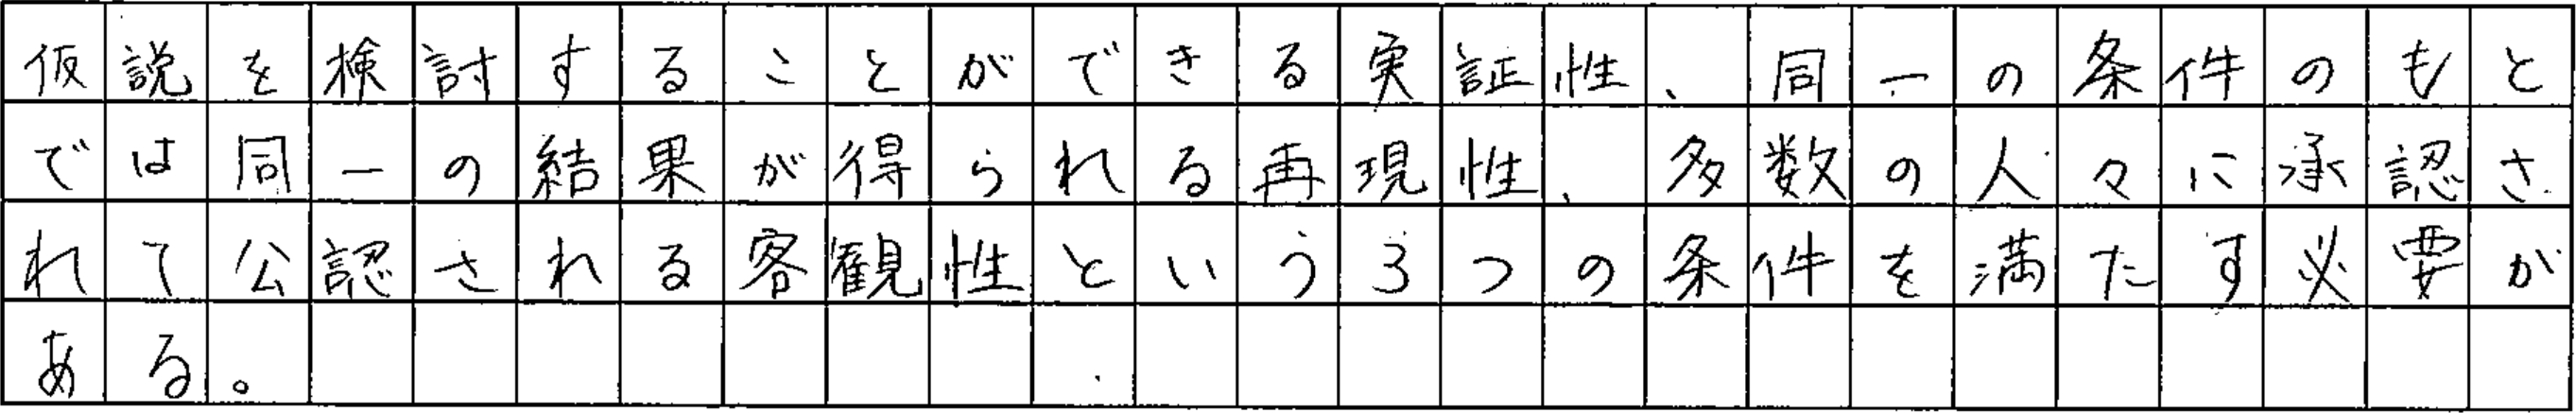仮説を検討することができる実証性、同一の条件のもとでは同一の結果が得られる再現性、多数の人々に承認されて公認される客観性という３つの条件を満たす必要がある。
